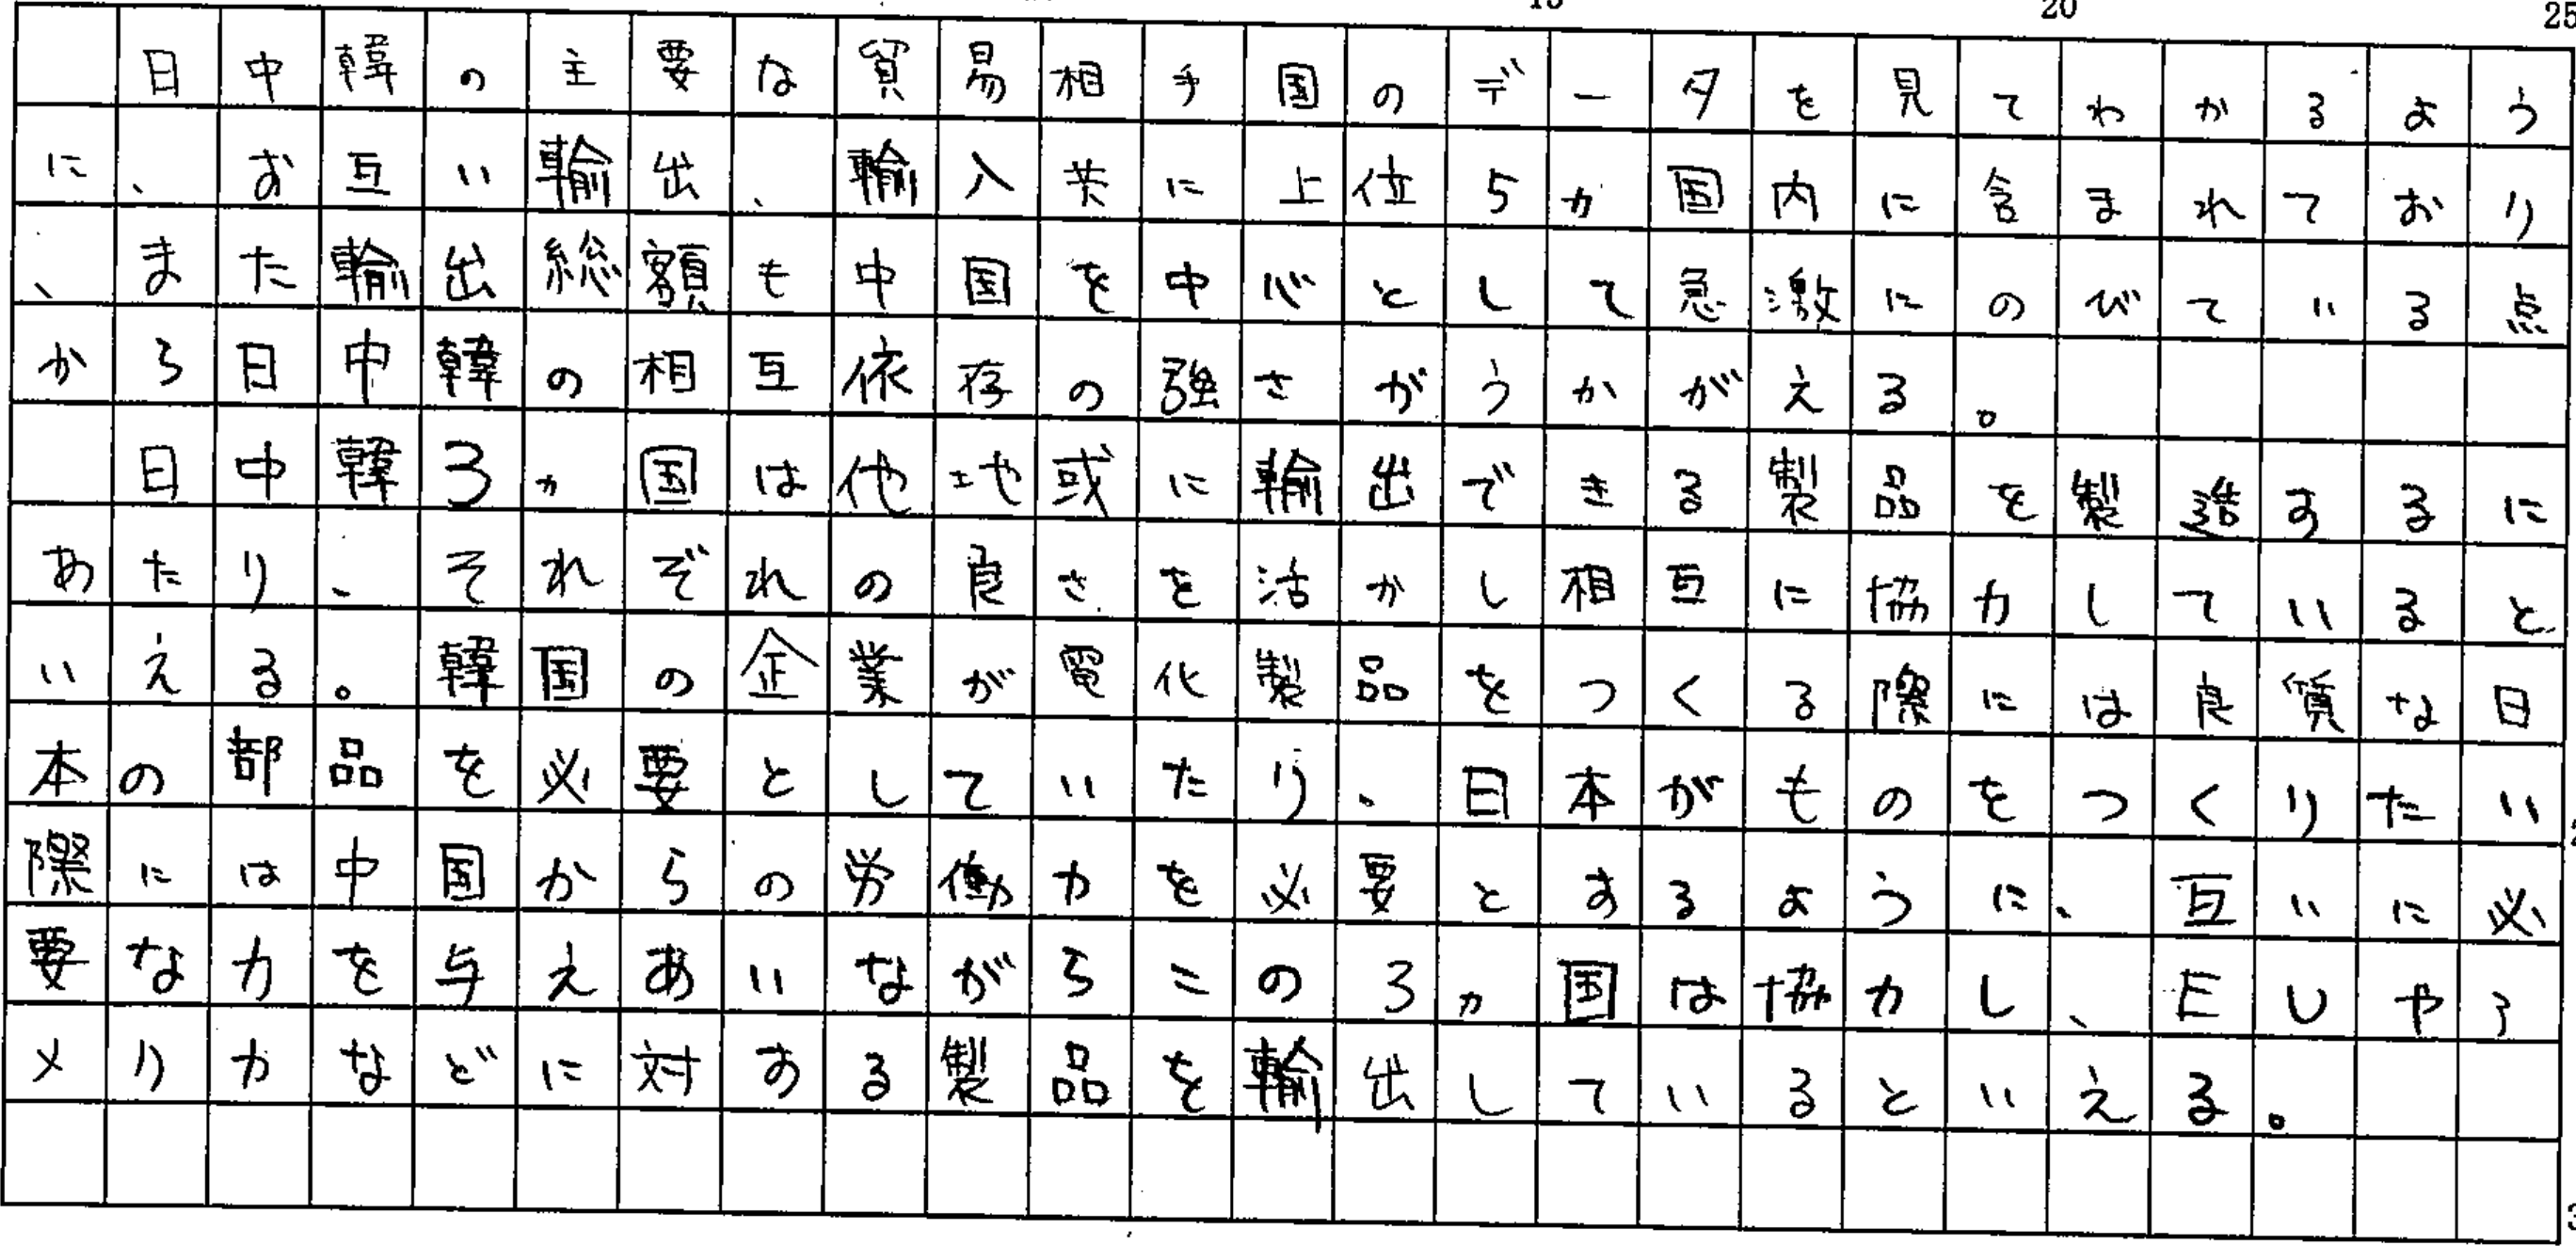　日中韓の主要な貿易相手国のデータを見てわかるように、お互い輸出、輸入共に上位５ヵ国内に含まれており、また輸出総額も中国を中心として急激にのびている点から日中韓の相互依存の強さがうかがえる。
　日中韓３ヵ国は他地或に輸出できる製品を製造するにあたり、それぞれの良さを活かし相互に協力しているといえる。韓国の企業が電化製品をつくる際には良質な日本の部品を必要としていたり、日本がものをつくりたい際には中国からの労働力を必要とするように、互いに必要な力を与えあいながらこの３ヵ国は協力し、ＥＵやアメリカなどに対する製品を輸出しているといえる。
